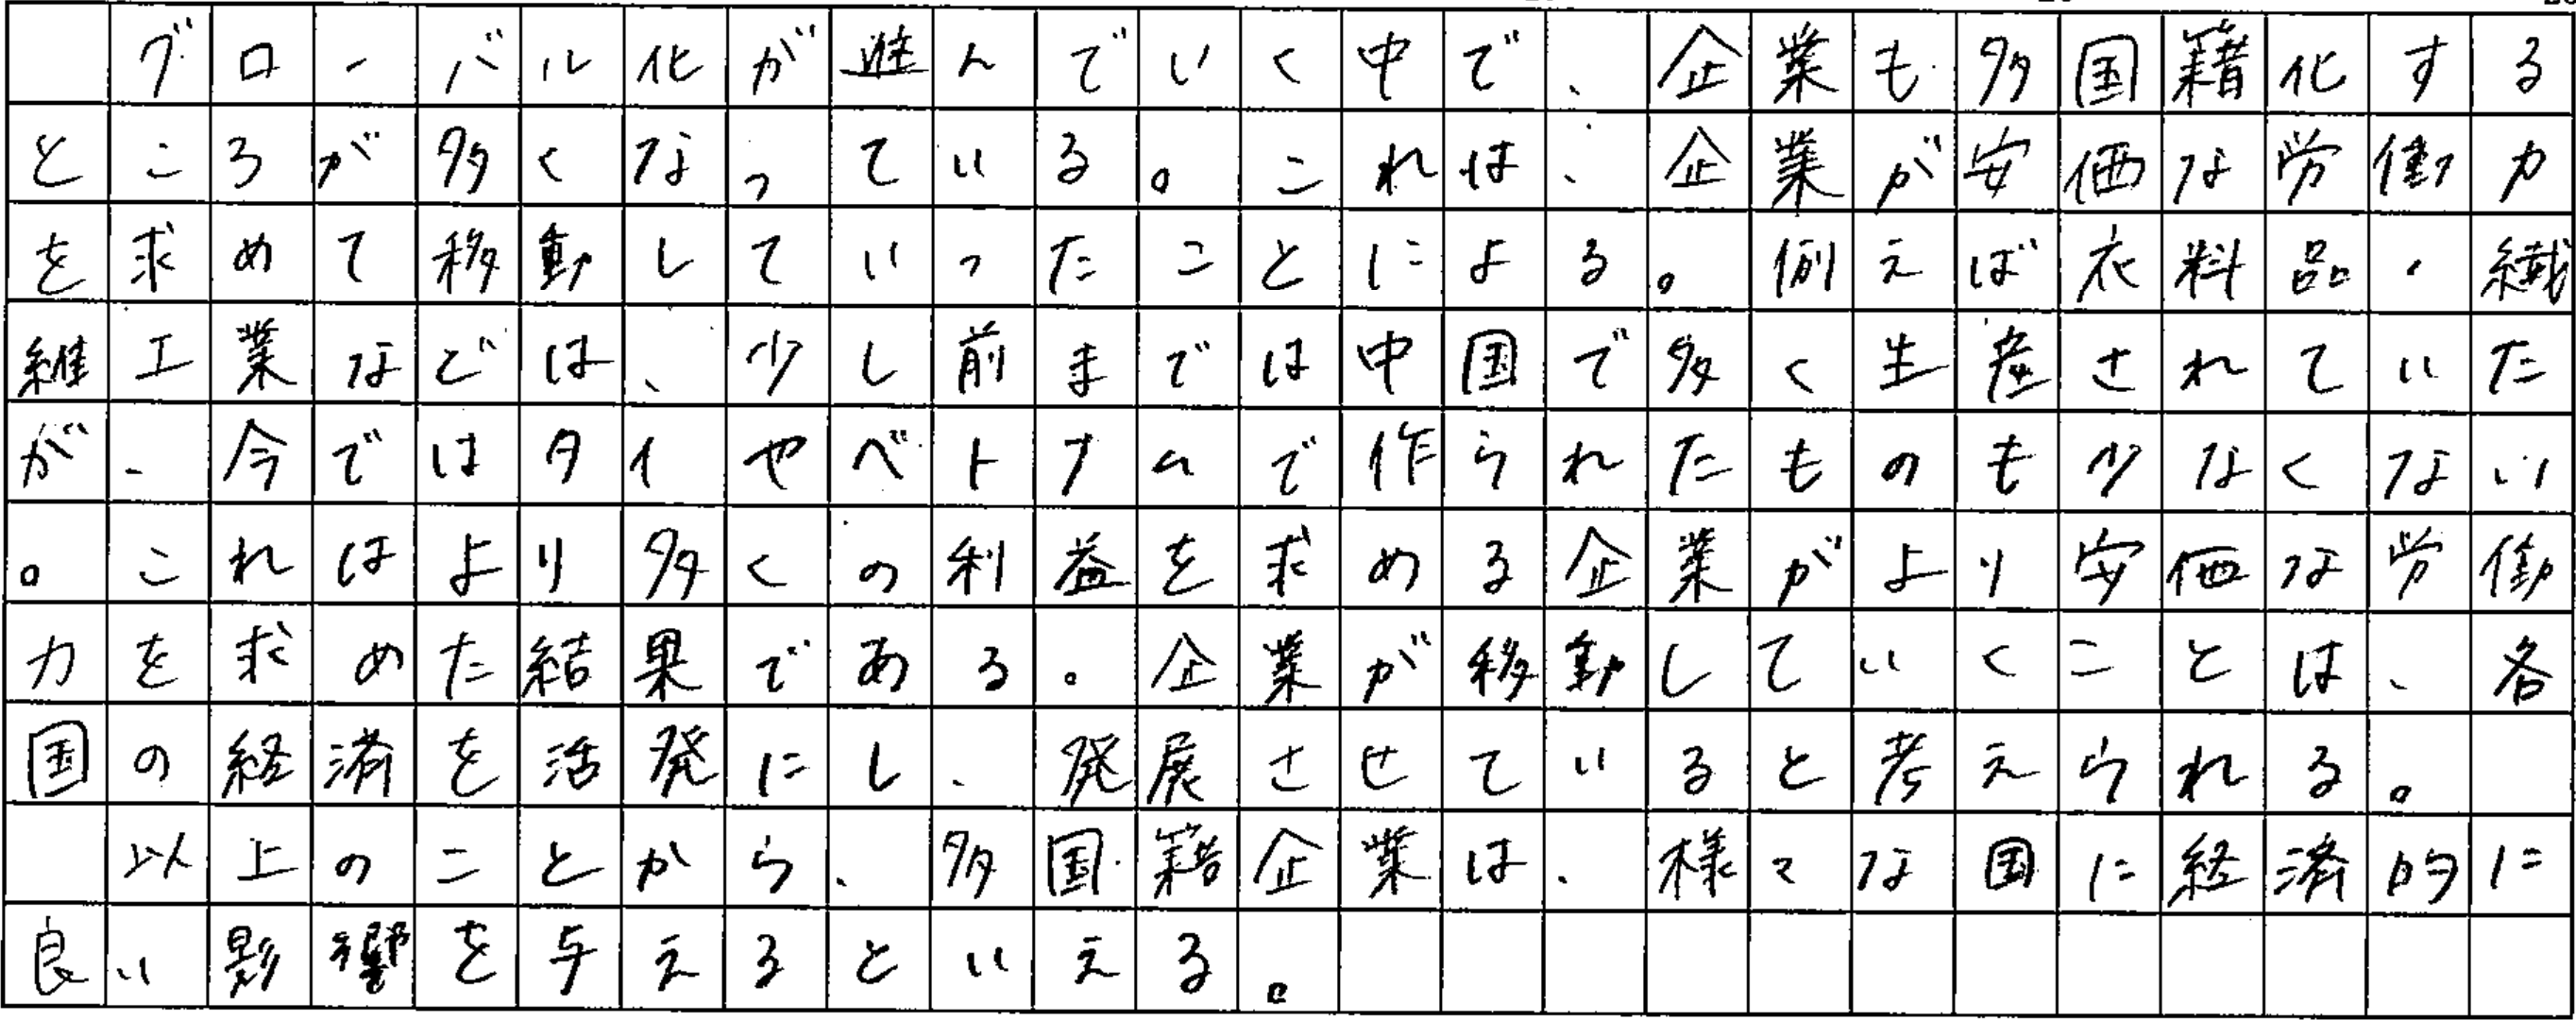　グローバル化が進んでいく中で、企業も多国籍化するところが多くなっている。これは、企業が安価な労働力を求めて移動していったことによる。例えば衣料品、繊維工業などは、少し前までは中国で多く生産されていたが、今ではタイやベトナムで作られたものも少なくない。これはより多くの利益を求める企業がより安価な労働力を求めた結果である。企業が移動していくことは、各国の経済を活発にし、発展させていると考えられる。
　以上のことから、多国籍企業は、様々な国に経済的に良い影響を与えるといえる。
